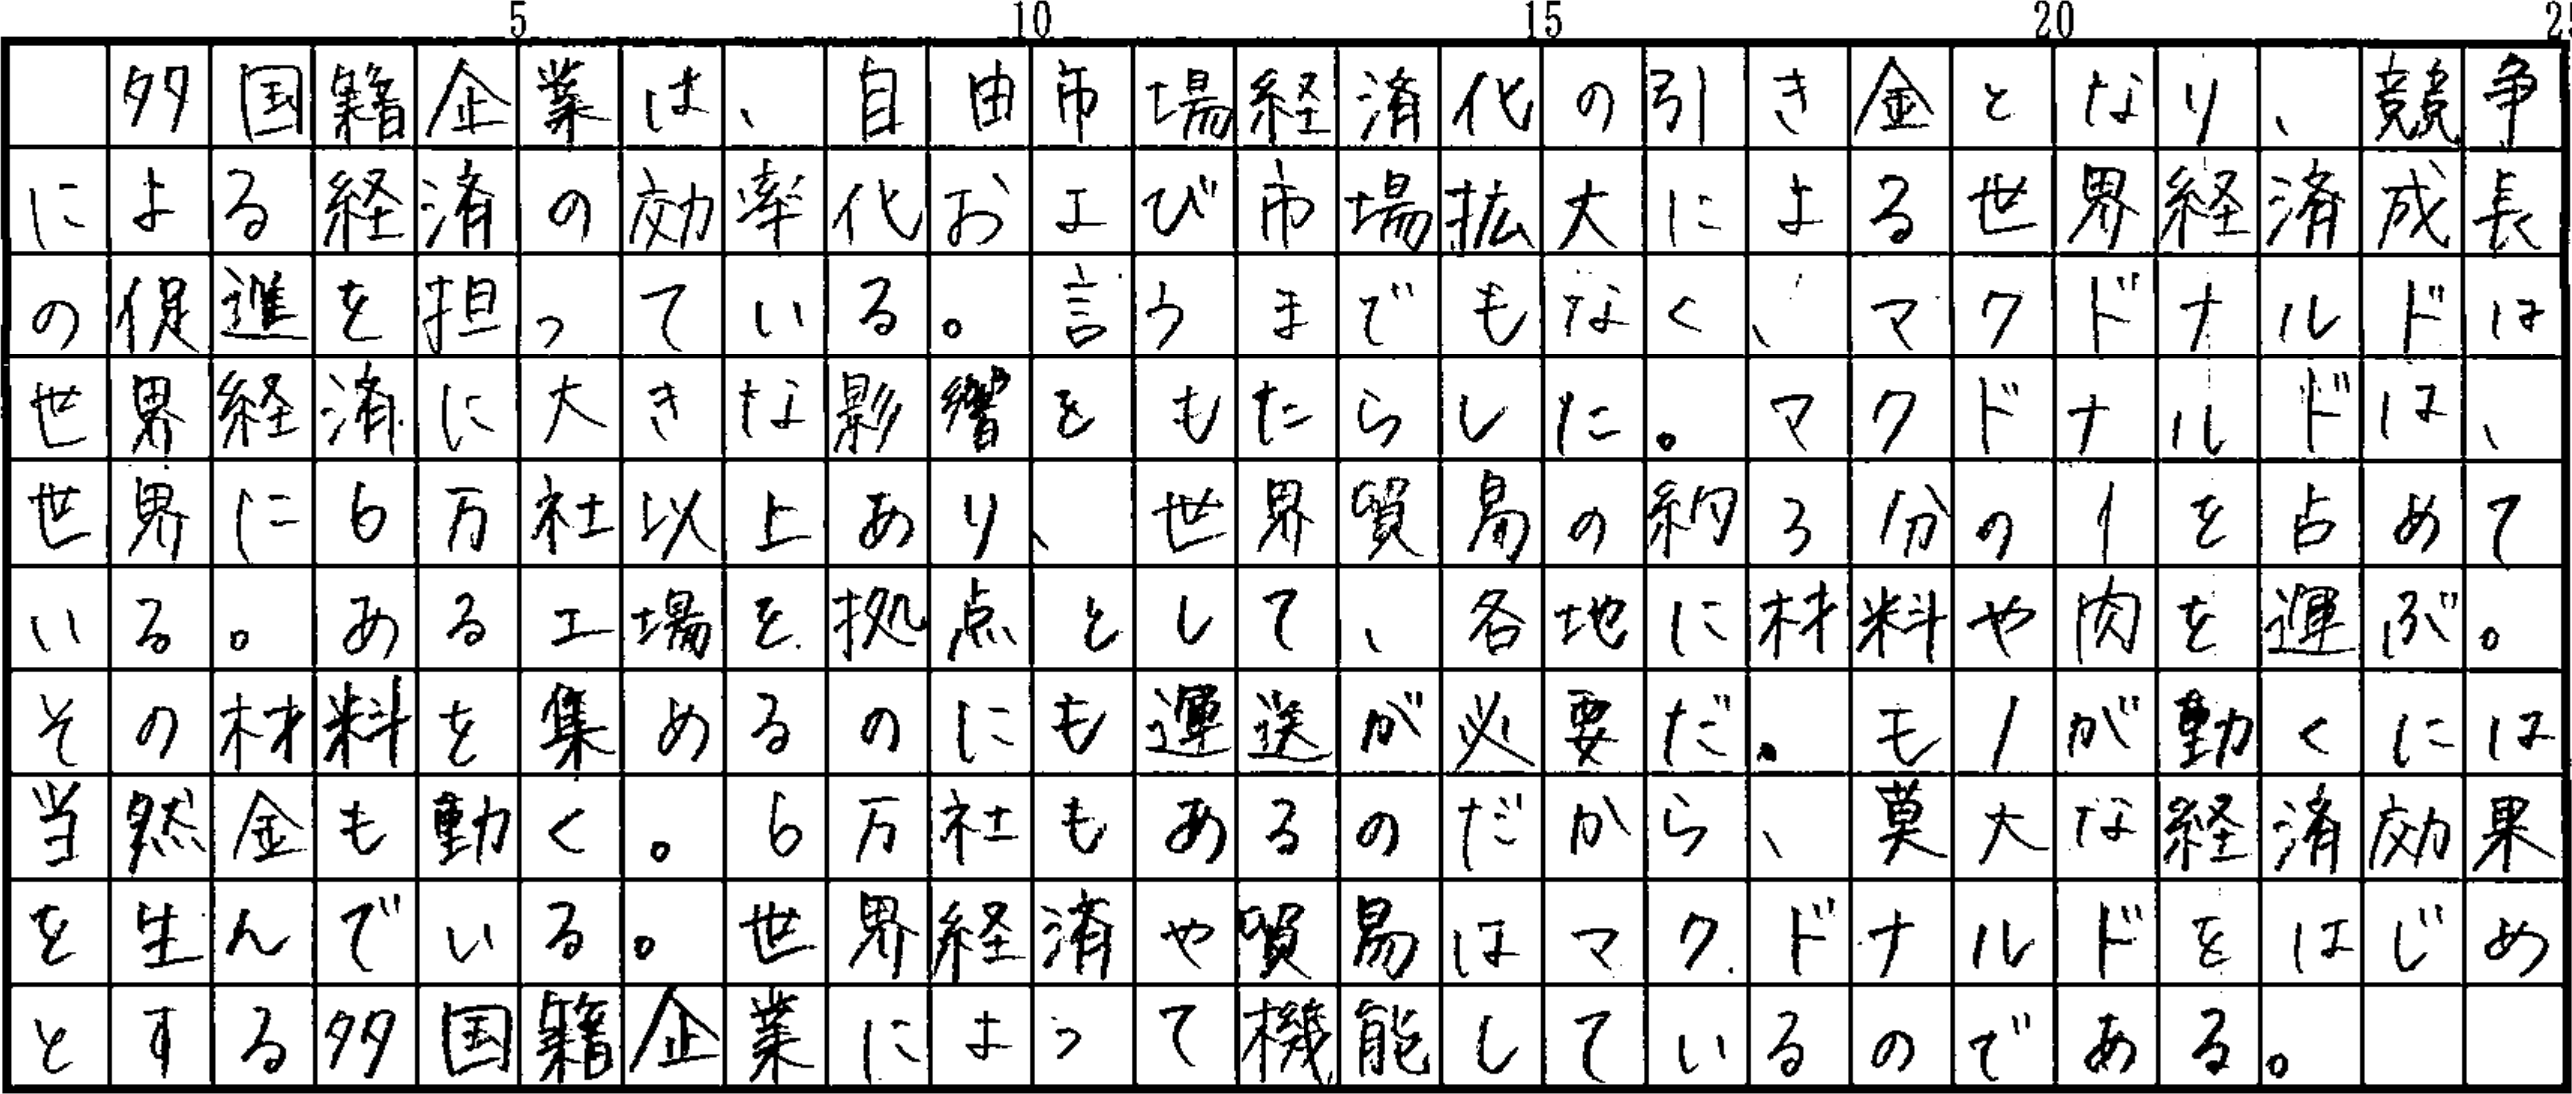　多国籍企業は、自由市場経済化の引き金となり、競争による経済の効率化および市場拡大による世界経済成長の促進を担っている。言うまでもなく、マクドナルドは世界経済に大きな影響をもたらした。マクドナルドは、世界に６万社以上あり、世界貿易の約３分の１を占めている。ある工場を拠点として、各地に材料や肉を運ぶ。その材料を集めるのにも運送が必要だ。モノが動くには当然金も動く。６万社もあるのだから、莫大な経済効果を生んでいる。世界経済や貿易はマクドナルドをはじめとする多国籍企業によって機能しているのである。
